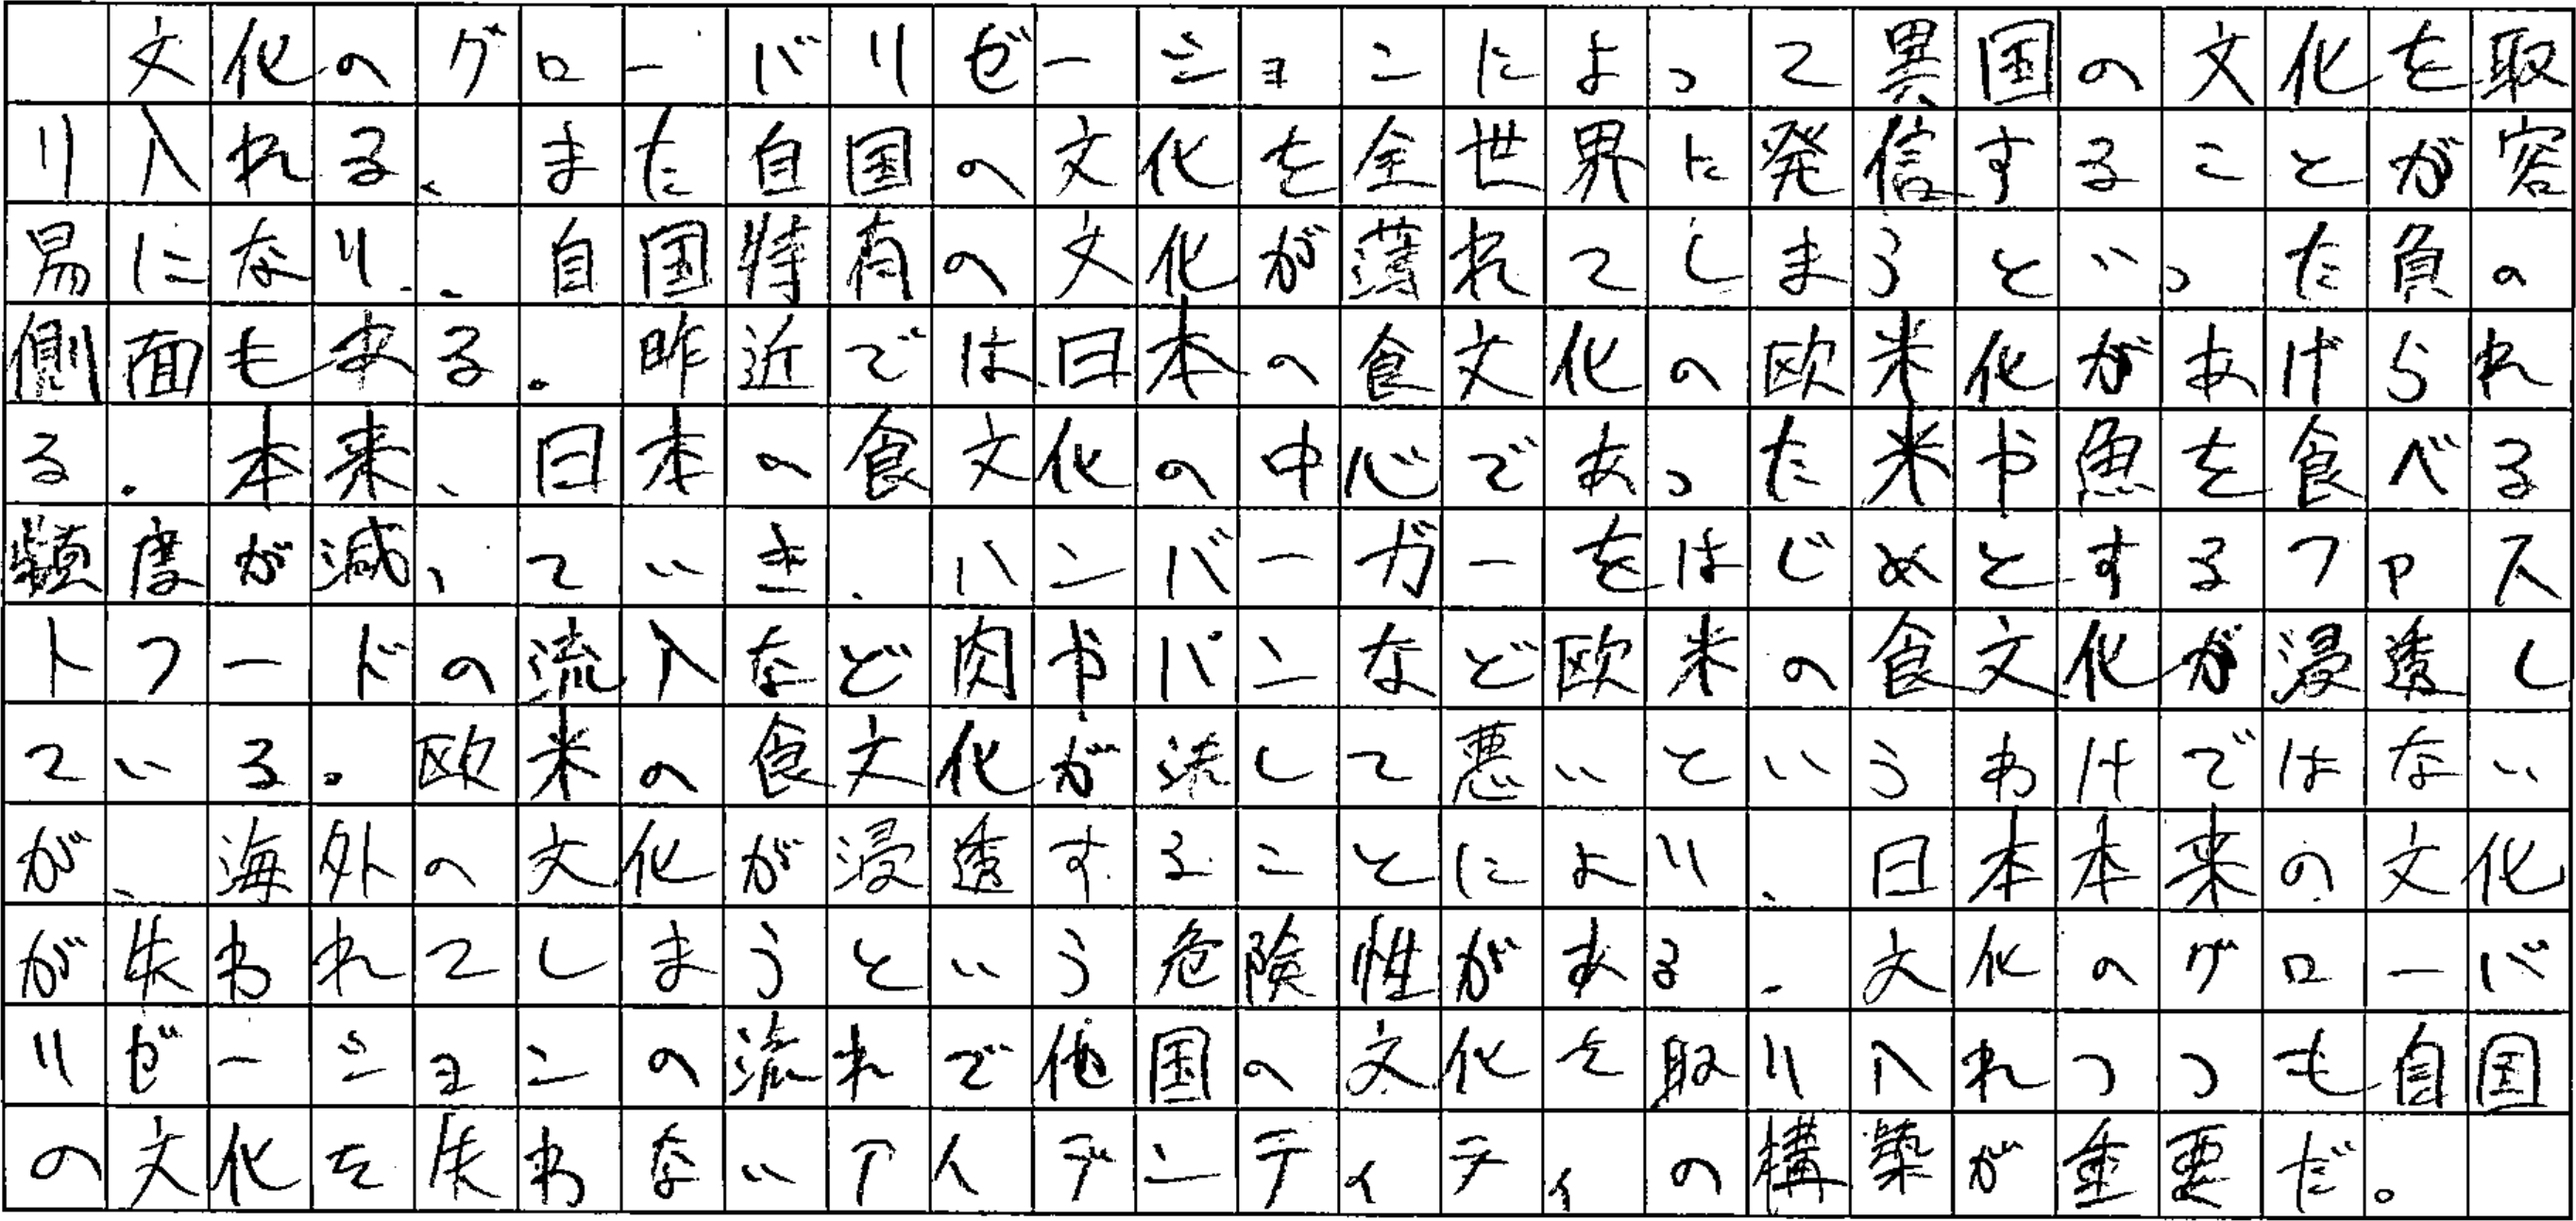　文化のグローバリゼーションによって異国の文化を取り入れる、また自国の文化を全世界に発信することが容易になり、自国特有の文化が薄れてしまうといった負の側面もある。昨近では日本の食文化の欧米化があげられる。本来、日本の食文化の中心であった米や魚を食べる頻度が減っていき、ハンバーガーをはじめとするファストフードの流入など肉やパンなど欧米の食文化が浸透している。欧米の食文化が決して悪いというわけではないが、海外の文化が浸透することにより、日本本来の文化が失われてしまうという危険性がある。文化のグローバリゼーションの流れで他国の文化を取り入れつつも自国の文化を失わないアイデンティティーの構築が重要だ。
